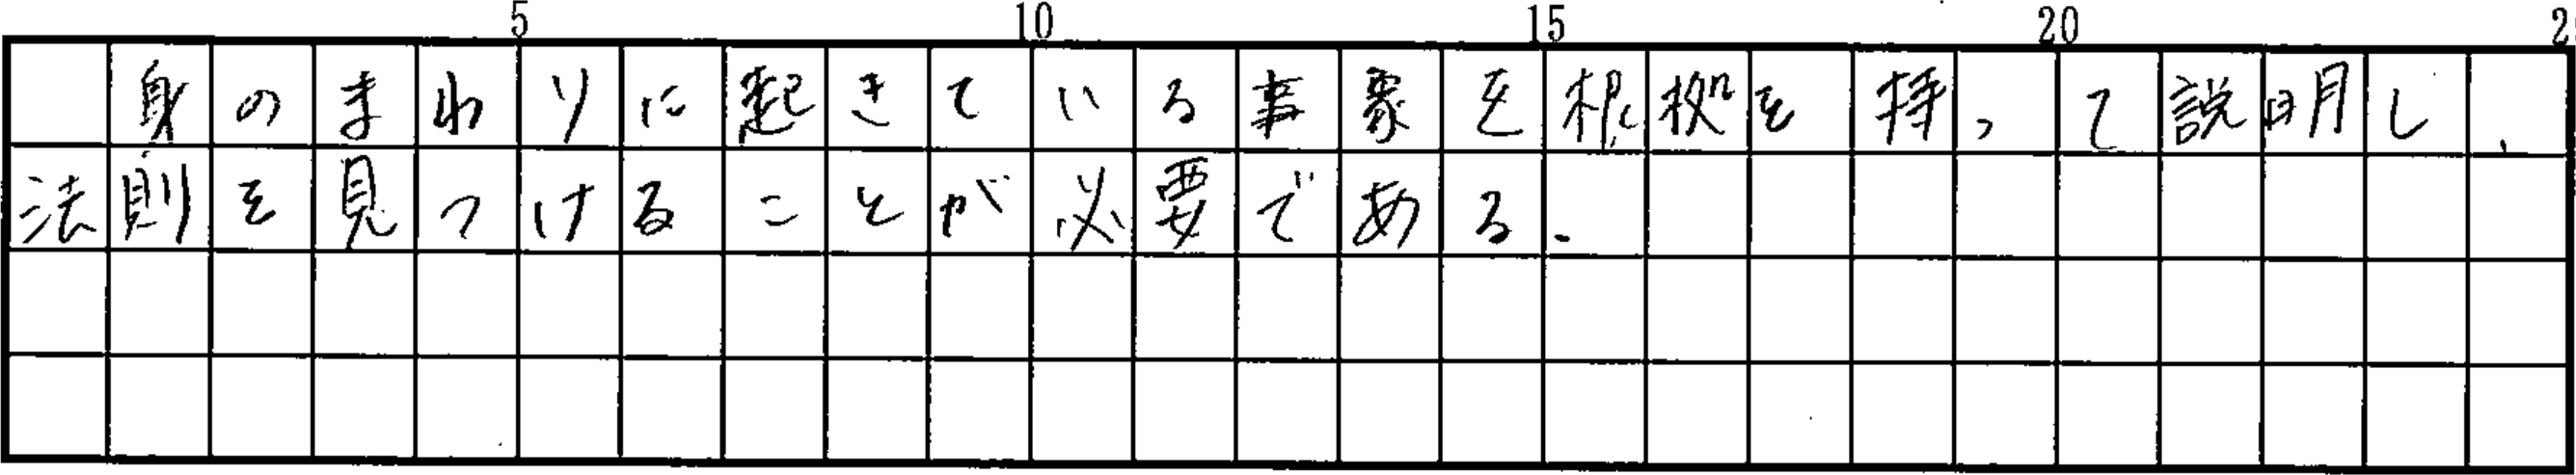　身のまわりに起きている事象を根拠を持って説明し、法則を見つけることが必要である。
